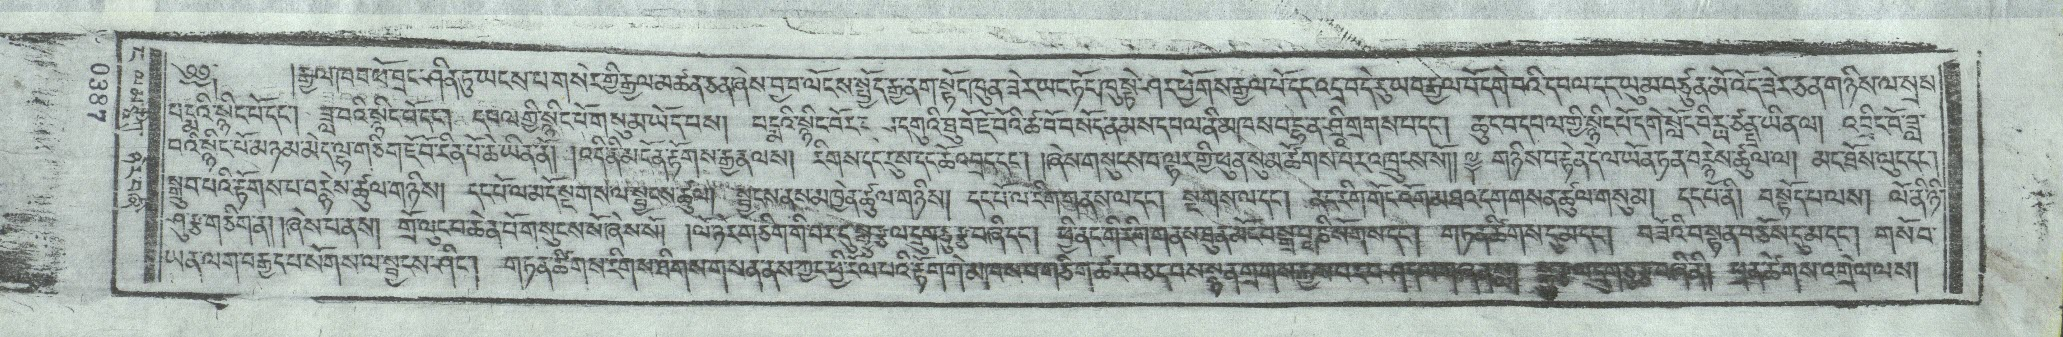༄༅། །རྒྱལ་ཁབ་ཕོ་བྲང་ཤིན་ཏུ་ཡངས་པ་གསེར་གྱི་རྒྱལ་མཚན་ཅན་ཞེས་བྱ་བ་ལོངས་སྤྱོད་རྒྱ་ནག་སྟོང་ཁུན་ཟེར་ཡང་ཏོང་ཁུ་སྟེ་ཤར་ཕྱོགས་རྒྱལ་པོ་དང་འདྲ་བ་དེ་རུ་ཡབ་རྒྱལ་པོ་དགེ་བའི་དཔལ་དང་ཡུམ་བཙུན་མོ་འོད་ཟེར་ཅན་གཉིས་ལ་?
པདམའི་སྙིང་པོ་དང་། ཟླ་བའི་སྙིང་པོ་དང་། དཔལ་གྱི་སྙིང་པོ་གསུམ་ཡོད་པས། པདམའི་སྙིང་པོར་?་དགུའི་ཐུ་བོ་རྡོ་བོའི་ཚ་བོ་བསོད་ནམས་དཔལ་ནི་མཁས་པ་དྷ་ན་ཤྲཱི་གྲགས་པ་དང་། ཆུང་བ་དཔལ་གྱི་སྙིང་པོ་དགེ་སློང་བིརྱ་ཙནྡྲ་ཡིན་ལ། འབྲིང་བ་ཟླ་
བའི་སྙིང་པོ་མཉམ་མེད་ལྷ་གཅིག་ཇོ་བོ་རིན་པོ་ཆེ་ཡིན་ནོ། །འདི་ནི་མངོན་རྟོགས་རྒྱན་ལས། རིགས་དང་རུས་དང་ཆོ་འབྲང་དང་། །ཞེས་གསུངས་བ་ལྟར་གྱི་ཕུན་སུམ་ཚོགས་པར་འཁྲུངས་སོ།། ༈ གཉིས་པ་རྟེན་དེ་ལ་ཡོན་ཏན་བརྙེས་ཚུལ་ལ། མང་ཐོས་ལུང་དང་།
སྒྲུབ་པའི་རྟོགས་པ་བརྙེས་ཚུལ་གཉིས། དང་པོ་ལ་མདོ་སྔགས་ལ་སྦྱངས་ཚུལ། སྦྱངས་ནས་མཁྱེན་ཚུལ་གཉིས། དང་པོ་ལ་རིག་གནས་ལ་དང་། སྔགས་ལ་དང་། ནང་རིག་གོང་འོག་མཐའ་དག་གསན་ཚུལ་གསུམ། དང་པོ་ནི། བསྟོད་པ་ལས། ལོ་ནི་ཉི་
ཤུ་རྩ་གཅིག་ན། །ཞེས་པ་ནས། གྲོ་ལུང་པ་ཆེན་པོ་གསུངས་སོ་ཞེས་སོ། །ལོ་ཉེར་གཅིག་གི་བར་དུ་སྒྱུ་རྩལ་དྲུག་ཅུ་རྩ་བཞི་དང་། ཕྱི་ནང་གི་རིག་གནས་ཐུན་མོང་བ་སྒྲ་པཱ་ཎི་སོགས་དང་། གཏན་ཚིགས་དུ་མ་དང་། བཟོའི་བསྟན་བཅོས་དུ་མ་དང་། གསོ་བ་
ཡན་ལག་བརྒྱད་པ་སོགས་ལ་སྦྱངས་ཤིང་། གཏན་ཚིགས་རིགས་ཐིགས་གསན་ནས་ཀྱང་ཕྱི་རོལ་པའི་རྟོག་གེ་མཁས་པ་གཅིག་ཚར་བཅད་པས་སྙན་གྲགས་རྒྱས་པར་བཤད་ལ་གཞན་སླ། སྒྱུ་རྩལ་དྲུག་ཅུ་རྩ་བཞི་ནི། ཕྲན་ཚེགས་འགྲེལ་ལས།